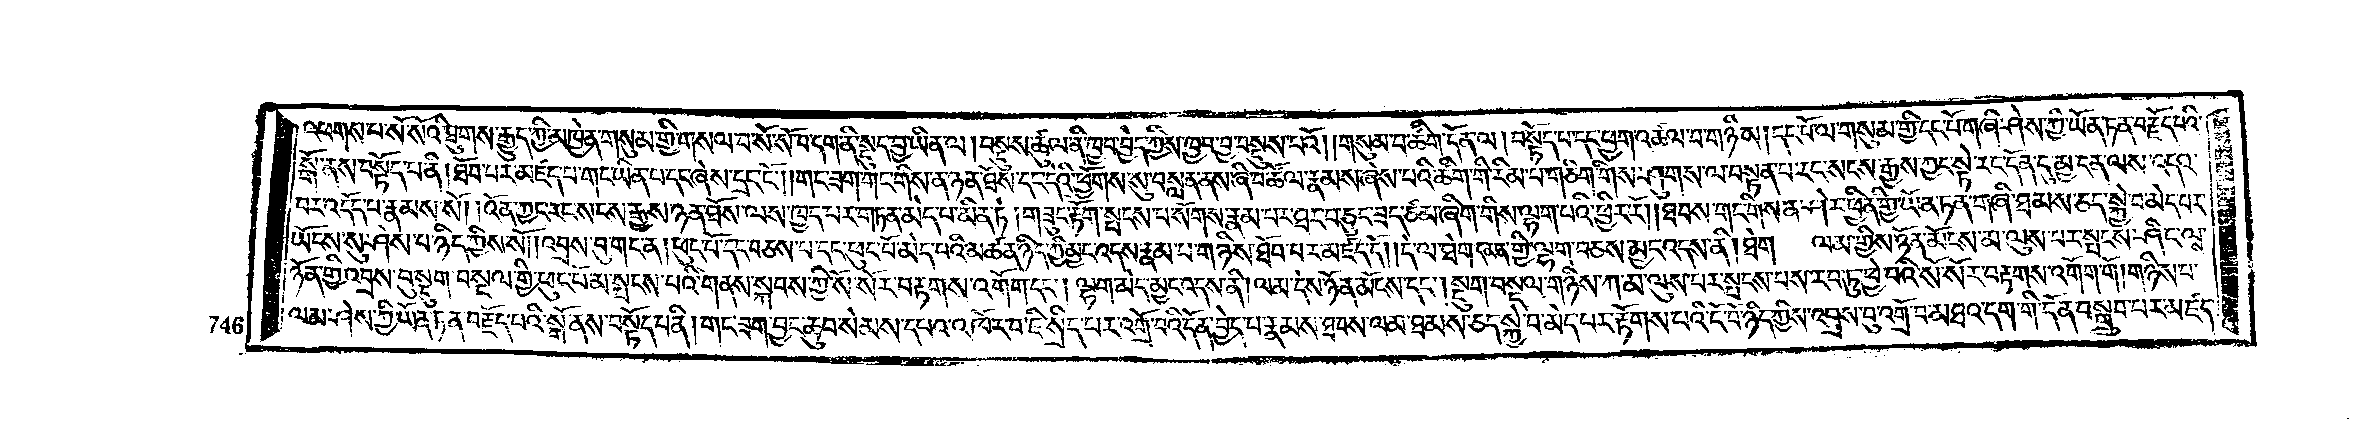འཕགས་པ་སོ་སོའི་ཐུགས་རྒྱུད་ཀྱི་མཁྱེན་གསུམ་གྱི་གསལ་བ་སོ་སོ་བ་དག་ནི་སྡུད་བྱ་ཡིན་ལ། བསྡུས་ཚུལ་ནི་ཁྱབ་བྱེད་ཀྱིས་ཁྱབ་བྱ་བསྡུས་པའོ། །གསུམ་པ་ཚིག་དོན་ལ། བསྟོད་པ་དང་ཕྱག་འཚལ་བ་གཉིས། དང་པོ་ལ་གསུམ་གྱི་དང་པོ་གཞི་ཤེས་ཀྱི་ཡོན་ཏན་བརྗོད་པའི་
སྒོ་ནས་བསྟོད་པ་ནི། ཐོབ་པར་མཛད་པ་གང་ཡིན་པ་དང་ཞེས་དྲང་ངོ། །གང་ཟག་གང་གིས་ན་ཉན་ཐོས་དང་དེའི་ཕྱོགས་སུ་བསླན་ནས་ཞི་བ་ཚོལ་རྣམས་ཞེས་པའི་ཚིག་གི་རིམ་པ་གཅིག་གིས་ཤུགས་ལ་བསྟན་པ་རང་སངས་རྒྱས་ཀྱང་སྟེ་རང་དོན་དུ་མྱ་ངན་ལས་འདའ་
བར་འདོད་པ་རྣམས་སོ། །འོན་ཀྱང་རང་སངས་རྒྱས་ཉན་ཐོས་ལས་ཁྱད་པར་གཏན་མེད་པ་མིན་ཏེ། གཟུང་རྟོག་སྤངས་པ་སོགས་རྣམ་པར་ཐར་པ་ཅུང་ཟད་ཙམ་ཞིག་གིས་ལྷག་པའི་ཕྱིར་རོ། །ཐབས་གང་གིས་ན་ཤེར་ཕྱིན་གྱི་ཡོན་ཏན་གཞི་ཐམས་ཅད་སྐྱེ་བ་མེད་པར་
ཡོངས་སུ་ཤེས་པ་ཉིད་ཀྱིས་སོ། །འབྲས་བུ་གང་ན། ཕུང་པོ་དང་བཅས་པ་དང་ཕུང་པོ་མེད་པའི་མཚན་ཉིད་ཀྱི་མྱང་འདས་རྣམ་པ་གཉིས་ཐོབ་པར་མཛད་དོ། །དེ་ལ་ཐེག་དམན་གྱི་ལྷག་བཅས་མྱང་འདས་ནི། ཐེག་ཆེན་ལམ་གྱིས་ཉོན་མོངས་མ་ལུས་པར་སྤངས་ཤིང་ལས་
ཉོན་གྱི་འབྲས་བུ་སྡུག་བསྔལ་གྱི་ཕུང་པོ་མ་སྤངས་པའི་གནས་སྐབས་ཀྱི་སོ་སོར་བརྟགས་འགོག་དང་། ལྷག་མེད་མྱང་འདས་ནི། ལམ་དེས་ཉོན་མོངས་དང་། སྡུག་བསྔལ་གཉིས་ཀ་མ་ལུས་པར་སྤངས་པས་རབ་ཏུ་ཕྱེ་བའི་སོ་སོར་བརྟགས་འགོག་གོ །གཉིས་པ་
ལམ་ཤེས་ཀྱི་ཡོན་ཏན་བརྗོད་པའི་སྒོ་ནས་བསྟོད་པ་ནི། གང་ཟག་བྱང་ཆུབ་སེམས་དཔའ་འཁོར་བ་ཇི་སྲིད་པར་འགྲོ་བའི་དོན་བྱེད་པ་རྣམས་ཐབས་ལམ་ཐམས་ཅད་སྐྱེ་བ་མེད་པར་རྟོགས་པའི་ངོ་བོ་ཉིད་ཀྱིས་འབྲས་བུ་འགྲོ་བ་མཐའ་དག་གི་དོན་བསྒྲུབ་པར་མཛད་